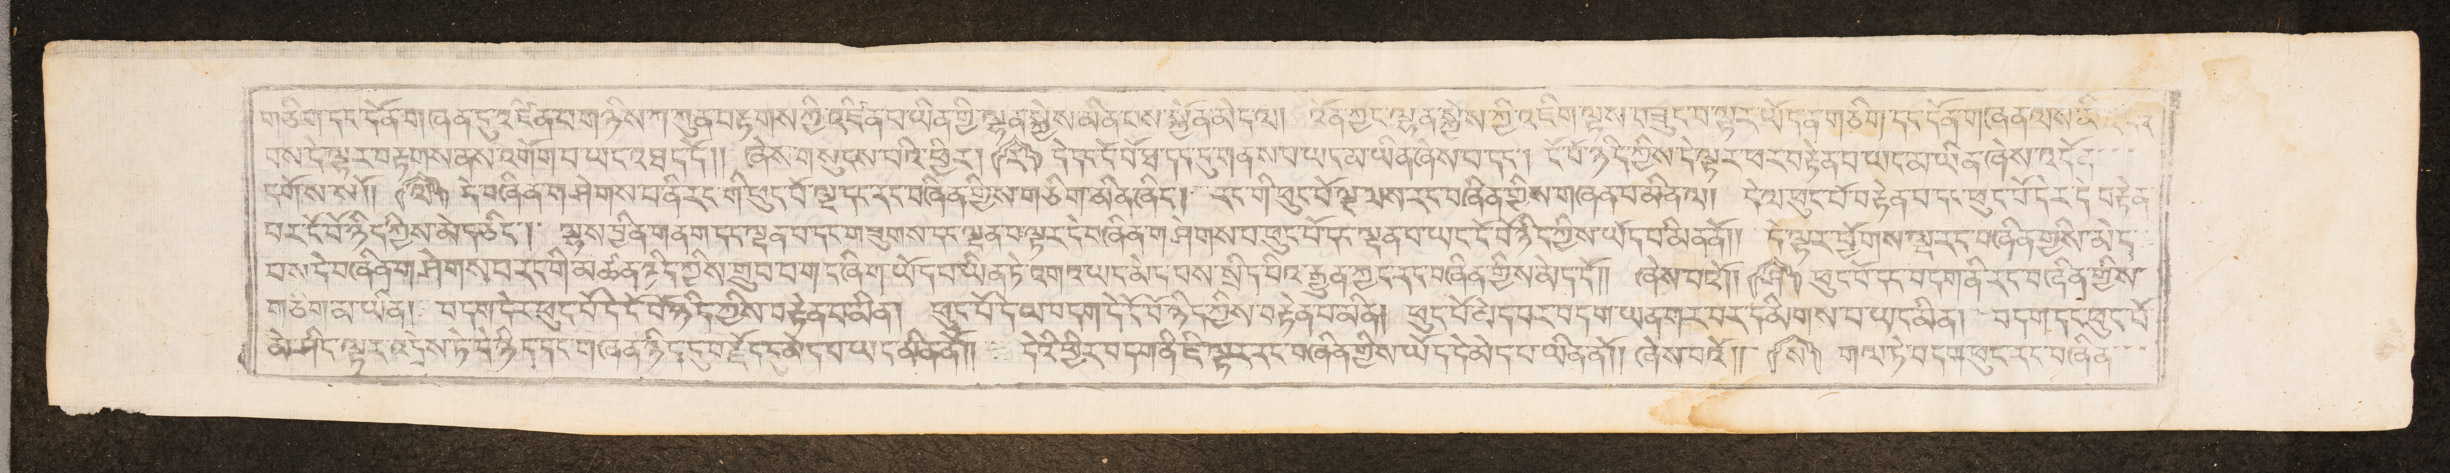གཅིག་དང་དོན་གཞན་དུ་འཛིན་པ་གཉིས་ཀ་ཀུན་བརྟགས་ཀྱི་འཛིན་པ་ཡིན་གྱི་ལྷན་སྐྱེས་མིན་པས་སྐྱོན་མེད་ལ། འོན་ཀྱང་ལྷན་སྐྱེས་ཀྱི་འཇིག་ལྟས་བཟུང་བ་ལྟར་ཡོད་ན་གཅིག་དང་དོན་གཞན་ལས་མི་འདའ་
བས་དེ་ལྟར་བརྟགས་ནས་འགོག་པ་ཡང་འཐད་དོ།། ཞེས་གསུངས་པའི་ཕྱིར། ༼༽ར༼༽ དེ་དང་ངོ་བོ་ཐ་དད་དུ་གནས་པ་ཡང་མ་ཡིན་ཞེས་པ་དང་། ངོ་བོ་ཉིད་ཀྱིས་དེ་ལྟར་ཕར་བརྟེན་པ་ཡང་མ་ཡིན་ཞེས་འདོན་
དགོས་སོ།། ༼༽ལ༼༽ དེ་བཞིན་གཤེགས་པ་ནི་རང་གི་ཕུང་པོ་ལྔ་དང་རང་བཞིན་གྱིས་གཅིག་མིན་ཞིང་། རང་གི་ཕུང་པོ་ལྔ་ལས་རང་བཞིན་གྱིས་གཞན་པ་མིན་ལ། དེ་ལ་ཕུང་པོ་བརྟེན་པ་དང་ཕུང་པོ་དེར་དེ་བརྟེན་
པར་ངོ་བོ་ཉིད་ཀྱིས་མེད་ཅིང་། ལྷས་བྱི་ན་གང་དང་ལྡན་པ་དང་གཟུགས་དང་ལྡན་པ་ལྟར་དེ་བཞིན་གཤེགས་པ་ཕུང་པོ་ལྡན་པ་དང་ལྡན་པ་ཡང་ངོ་བོ་ཉིད་ཀྱིས་ཡོད་པ་མིན་ནོ།། དེ་ལྟར་ཕྱོགས་ལྔ་རང་བཞིན་གྱིས་མེད་
པས་དེ་བཞིན་གཤེགས་པ་རང་གི་མཚན་ཉིད་ཀྱིས་གྲུབ་པ་གང་ཞིག་ཡོད་པ་ཡིན་ཏེ་འགའ་ཡང་མེད་པས་སྲིད་པའི་རྒྱུན་ཀྱང་རང་བཞིན་གྱིས་མེད་དོ།། ཞེས་པའོ།། ༼༽ཤ༼༽ ཕུང་པོ་དང་བདག་ནི་རང་བཞིན་གྱིས་
གཅིག་མ་ཡིན། བདག་དེར་ཕུང་པོ་དེ་ངོ་བོ་ཉིད་ཀྱིས་བརྟེན་པ་མིན། ཕུང་པོ་དེ་ལ་བདག་དེ་ངོ་བོ་ཉིད་ཀྱིས་བརྟེན་པ་མིན། ཕུང་པོ་མེད་པར་བདག་ཡན་གར་བར་དམིགས་པ་ཡང་མིན། བདག་དང་ཕུང་པོ་
མེ་ཤིང་ལྟར་འདྲེས་ཏེ་དེ་ཉིད་དང་གཞན་ཉིད་དུ་བརྗོད་དུ་མེད་པ་ཡང་མིན་ནོ།། དེའི་ཕྱིར་བདག་ནི་ཇི་ལྟར་རང་བཞིན་གྱིས་ཡོད་དེ་མེད་པ་ཡིན་ནོ།། ཞེས་པའོ།། ༼༽ས༼༽ གལ་ཏེ་བདག་ཕུང་རྟང་བཞིན་